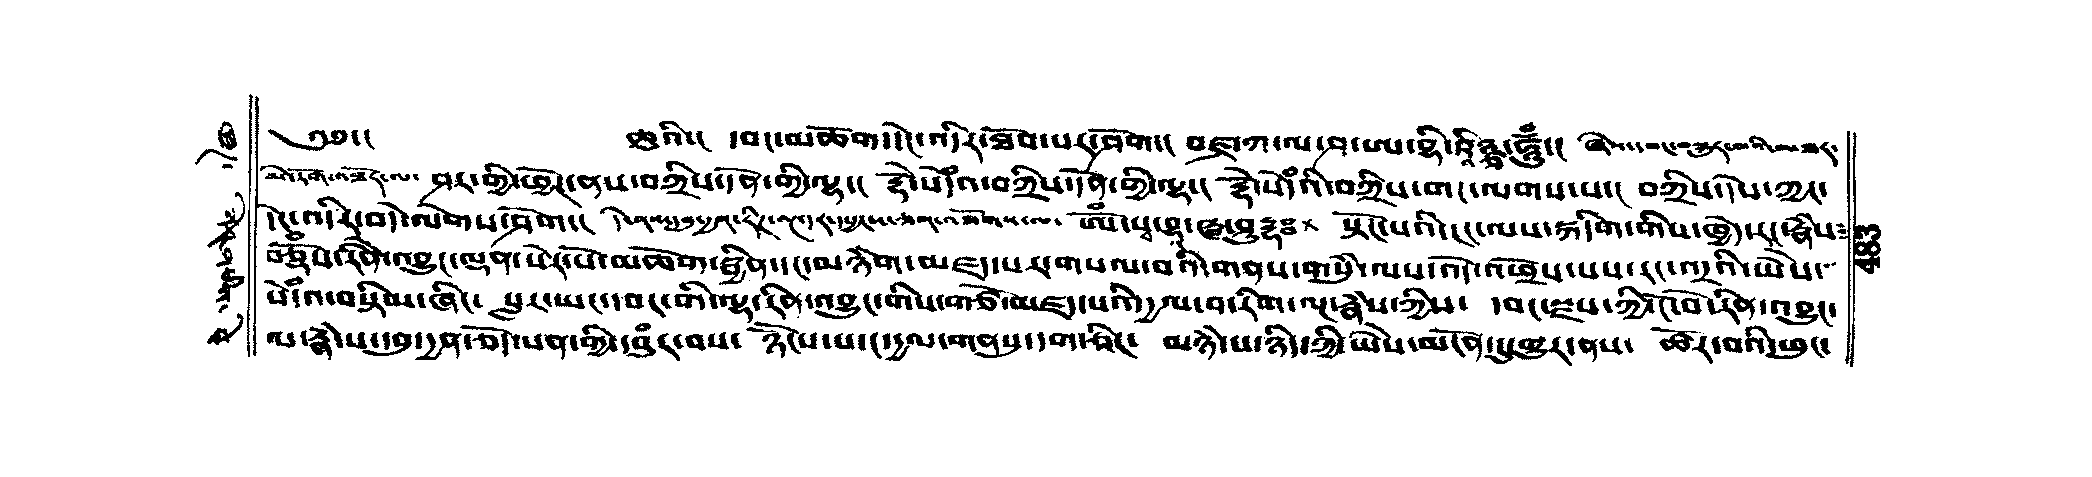ཆུའི། །དབང་མཆོག་དེང་འདིར་ཐོབ་པར་ཤོག་།བཛྲ་ཀ་ལ་ཤ་ཨ་བྷི་རཱིཉྩ་ཧཱུྃ། ཞེས་དབང་བསྐུར་བའི་མཐར་
མེ་ཏོག་འཐོར་ལ། ཤར་གྱི་ཕྱོགས་ནས་བཀྲ་ཤིས་དོན་གྱི་ལྷ། །རྡོ་རྗེ་སེམས་དཔའ་བཀྲ་ཤིས་དོན་གྱི་ལྷ། །རྡོ་རྗེ་སེམས་དཔའི་བཀྲ་ཤིས་གང་ལགས་པ། །བཀྲ་ཤིས་དེས་ཀྱང་
དེང་འདིར་བདེ་ལེགས་ཤོག་དེ་ནས་དབུ་རྒྱན་རིགས་ལྔ་དར་དཔྱངས་ཅན་འཐོགས་ལ། ཨོྃ་སྭ་བྷ་ཝ་ཤུདྡྷཿ༴ སྟོང་པའི་ངང་ལས་སྐད་ཅིག་གིས་ཁྱེད་རང་རྣམས་
བཅོམ་ལྡན་འདས་རིན་ཆེན་འབྱུང་ལྡན་སེར་པོ་མཆོག་སྦྱིན་དང་མཉམ་མཞག་མཛད་པར་གསལ་བའི་གསན་གསུམ་ལས་འོད་འཕྲོས་པས་རང་འདྲའི་ཡེ་ཤེས་
སེམས་དཔའ་བསྟིམ་ཞིང་། སླར་ཡང་དབང་གི་ལྷ་རིན་འབྱུང་གིས་གཙོ་མཛད་པའི་རྒྱལ་བ་རིགས་ལྔ་རྣམས་ཀྱིས། དབང་རྫས་ཀྱི་ངོ་བོ་རིན་འབྱུང་
ལ་རྣམ་པ་དབུ་རྒྱན་ཅོད་པན་གྱི་དབང་བསྐུར་བས། ཉོན་མོངས་པ་ང་རྒྱལ་གནས་སུ་དག་ཅིང་། མཉམ་པ་ཉིད་ཀྱི་ཡེ་ཤེས་མངོན་དུ་གྱུར་ནས། ཚོར་བའི་ཕུང་